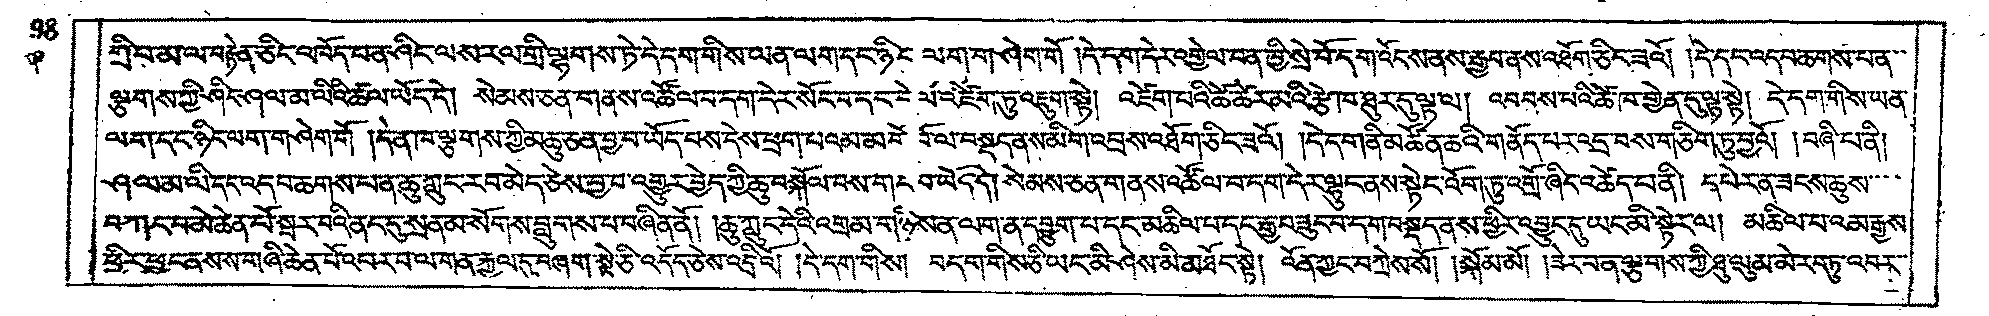གྲིབ་མ་ལ་བརྟེན་ཅིང་འཁོད་པ་ན་ཤིང་ལས་རལ་གྲི་ལྷགས་ཏེ་དེ་དག་གིས་ཡན་ལག་དང་ཉིད་ལག་གཤེག་གོ། །དེ་དག་དེར་འགྱེལ་བ་ན་ཁྱི་སྲེ་བོ་དག་འོངས་ནས་རྒྱབ་ནས་འཐོག་ཅིང་ཟའོ། །དེ་དང་འདབ་ཆགས་པ་ན་
ལྕགས་ཀྱི་ཤིང་ཤལ་མ་ལིའི་ཚལ་ཡོད་དེ། སེམས་ཅན་གནས་འཚོལ་བ་དག་དེར་སོང་བ་དང་དེ་ལ་འཛེག་ཏུ་འཇུག་སྟེ། འཛེག་པའི་ཚེ་ཚེར་མའི་རྩེ་ཁ་ཐུར་དུ་ལྟ་ལ། འབབས་པའི་ཚེ་ཁ་གྱེན་དུ་ལྟ་སྟེ། དེ་དག་གིས་ཡན་
ལག་དང་ཉིད་ལག་གཤེག་གོ །དེ་ན་ཁ་ལྕགས་ཀྱི་མཆུ་ཅན་བྱ་བ་ཡོད་པས་དེས་ཕྲག་པའམ་མགོ་བོ་ལ་བསྡད་ནས་མིག་འབྲས་འཐོག་ཅིང་ཟའོ། །དེ་དག་ནི་མཚོན་ཆའི་གནོད་པར་འདྲ་བས་གཅིག་ཏུ་བྱའོ། །བཞི་པ་ནི།
ཤལ་མ་ལི་དང་འདབ་ཆགས་པ་ན་ཆུ་ཀླུང་རབ་མེད་ཅེས་བྱ་བ་འགྱུར་བྱེད་ཀྱི་ཆུ་བསྐོལ་བས་གང་བ་ཡོད་དེ། སེམས་ཅན་གནས་འཚོལ་བ་དག་དེར་ལྷུང་ནས་སྟེང་འོག་ཏུ་འགྲོ་ཞིང་འཚེད་པ་ནི། དཔེར་ན་ཟངས་ཆུས་
བཀང་བ་མེ་ཆེན་པོ་སྤར་བའི་ནང་དུ་སྲན་མ་སོགས་བླུགས་པ་བཞིན་ནོ། །ཆུ་ཀླུང་དེའི་འགྲམ་གཉིས་ན་ལག་ན་དབྱུག་པ་དང་མཆིལ་པ་དང་རྒྱ་བཟུང་བ་དག་བསྡད་ནས་ཕྱིར་འབྱུང་དུ་ཡང་མི་སྟེར་ལ། མཆིལ་པ་འམ་རྒྱས་
ཕྱིར་ཕྱང་ནས་ས་གཞི་ཆེན་པོ་འབར་བ་ལ་གན་རྐྱལ་དུ་བཞག་སྟེ་ཅི་འདོད་ཅེས་འདྲིའོ། །དེ་དག་གིས། བདག་གིས་ཅི་ཡང་མི་ཤེས་མི་མཐོང་སྟེ། འོན་ཀྱང་བཀྲེས་སོ། །སྐོམ་མོ། །ཟེར་བ་ན་ལྕགས་ཀྱི་ཐུ་ལུམ་མེ་རབ་ཏུ་འབར་